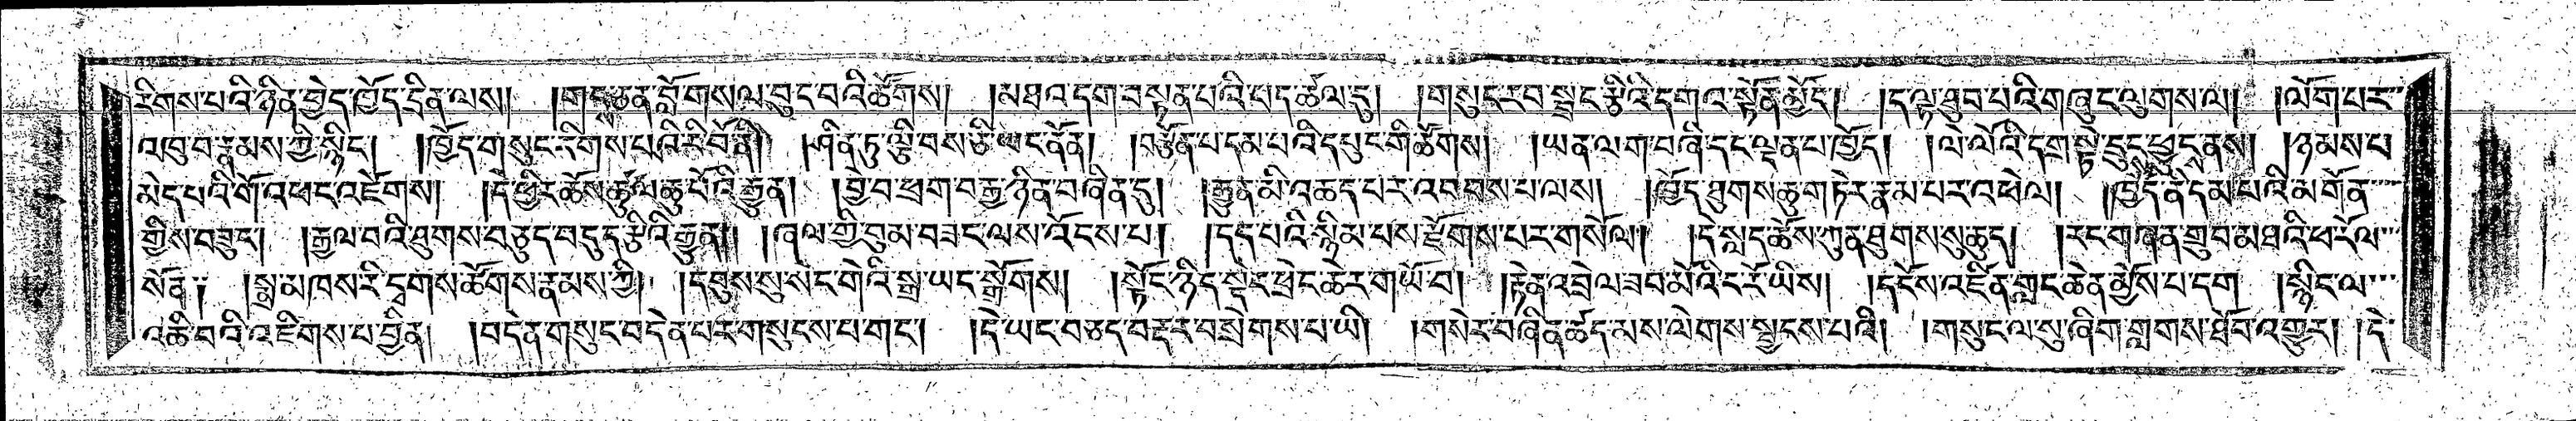རིགས་པའི་ཉིན་བྱེད་ཁྱོད་དྲིན་ལས། །གངས་ཅན་བློ་གསལ་བུང་བའི་ཚོགས། །མཐའ་དག་བསྟན་པའི་པད་ཚལ་དུ། །གསུང་རབ་སྦྲང་རྩིའི་དགའ་སྟོན་མྱོང་། །ད་ལྟ་ཐུབ་པའི་གཞུང་ལུགས་ལ། །ལོག་པར་
འཁུ་བ་རྣམས་ཀྱི་སྙིང་། །ཁྱོད་གསུང་རིགས་པའི་རི་བོ་ནི། །ཤིན་ཏུ་ལྕི་བས་ཅི་ཡང་ནོན། །བརྩོན་པ་དམ་པའི་དཔུང་གི་ཚོགས། །ཡན་ལག་བཞི་དང་ལྡན་པ་ཁྱོད། །ལེ་ལོའི་དགྲ་སྟེ་དྲུངས་ཕྱུངས་ནས། །ཉམས་པ་
མེད་པའི་གོ་འཕང་འཛེགས། །དེ་ཕྱིར་ཆོས་ཚུལ་ཆུ་བོའི་རྒྱུན། །བྱེ་བ་ཕྲག་བརྒྱ་ཉིན་བཞིན་དུ། །རྒྱུན་མི་འཆད་པར་འབབས་པ་ལས། །ཁྱོད་ཐུགས་ཆུ་གཏེར་རྣམ་པར་འཕེལ། །ཁྱོད་ནི་དམ་པའི་མགོན་
གྱིས་བཟུང་། །རྒྱལ་བའི་ཐུགས་བཅུད་བདུད་རྩིའི་རྒྱུན། །ཞལ་གྱི་བུམ་བཟང་ལས་འོངས་པ། །དད་པའི་སྙིམ་པས་རྫོགས་པར་གསོལ། །དེ་སླད་ཆོས་ཀུན་ཐུགས་སུ་ཆུད། །རང་གཞན་གྲུབ་མཐའི་ཕ་རོལ་
སོན༑ །སྨྲ་མཁས་རི་དྭགས་ཚོགས་རྣམས་ཀྱི། །དབུས་སུ་སེང་གེའི་སྒྲ་ཡང་སྒྲོགས། །སྟོང་ཉིད་སྡེར་ཕྲེང་ཆེར་གཡོ་བ། །རྟེན་འབྲེལ་ཟབ་མོའི་ང་རོ་ཡིས། །དངོས་འཛིན་གླང་ཆེན་མྱོས་པ་དག །སྙིང་ལ་
འཆི་བའི་འཇིགས་པ་བྱིན། །བདེན་གསུང་བདེན་པར་གསུངས་པ་གང་། །དེ་ཡང་བཅད་བརྔར་བསྲེགས་པ་ཡི། །གསེར་བཞིན་ཚད་མས་ལེགས་སྦྱངས་པའི། །གསུང་ལ་སུ་ཞིག་གླགས་ཐོབ་འགྱུར། །དེ་